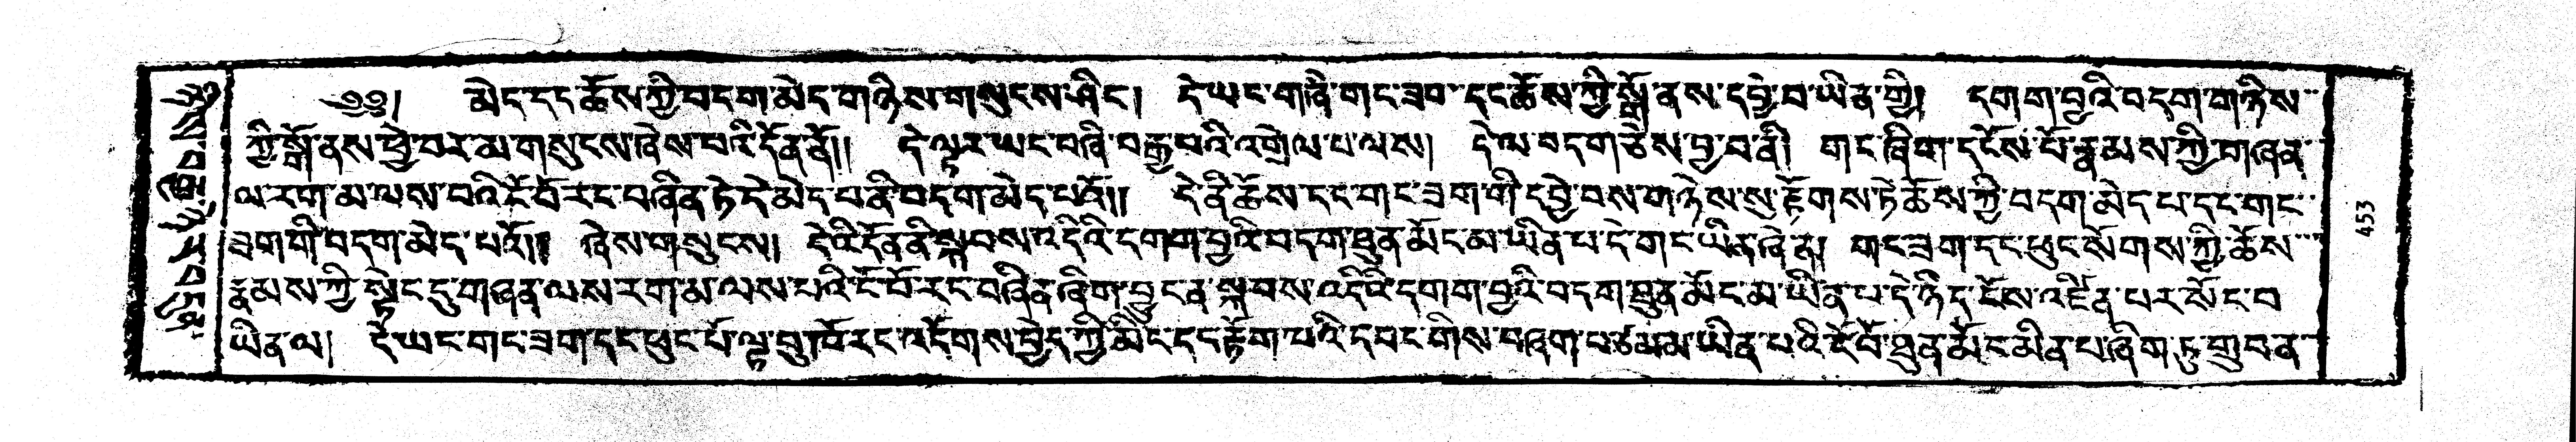༄༅། །མེད་དང་ཆོས་ཀྱི་བདག་མེད་གཉིས་གསུངས་ཤིང་། དེ་ཡང་གཞི་གང་ཟག་དང་ཆོས་ཀྱི་སྒོ་ནས་དབྱེ་བ་ཡིན་གྱི། དགག་བྱའི་བདག་གཉིས་
ཀྱི་སྒོ་ནས་ཕྱེ་བར་མ་གསུངས་ཞེས་པའི་དོན་ནོ། །དེ་ལྟར་ཡང་བཞི་བརྒྱ་བའི་འགྲེལ་པ་ལས། དེ་ལ་བདག་ཅེས་བྱ་བ་ནི། གང་ཞིག་དངོས་པོ་རྣམས་ཀྱི་གཞན་
ལ་རག་མ་ལས་པའི་ངོ་བོ་རང་བཞིན་ཏེ་དེ་མེད་པ་ནི་བདག་མེད་པའོ། །དེ་ནི་ཆོས་དང་གང་ཟག་གི་དབྱེ་བས་གཉེས་སུ་རྟོགས་ཏེ་ཆོས་ཀྱི་བདག་མེད་པ་དང་གང་
ཟག་གི་བདག་མེད་པའོ། །ཞེས་གསུངས། དེའི་དོན་ནི་སྐབས་འདིའི་དགག་བྱའི་བདག་ཐུན་མོང་མ་ཡིན་པ་དེ་གང་ཡིན་ཞེ་ན། གང་ཟག་དང་ཕུང་སོགས་ཀྱི་ཆོས་
རྣམས་ཀྱི་སྟེང་དུ་གཞན་ལས་རག་མ་ལས་པའི་ངོ་བོ་རང་བཞིན་ཞིག་བྱུང་ན་སྐབས་འདིའི་དགག་བྱའི་བདག་ཐུན་མོང་མ་ཡིན་པ་དེ་ཉིད་ངོས་འཛིན་པར་སོང་བ་
ཡིན་ལ། དེ་ཡང་གང་ཟག་དང་ཕུང་པོ་ལྟ་བུ་ཁོ་རང་འདོགས་བྱེད་ཀྱི་མིང་དང་རྟོག་པའི་དབང་གིས་བཞག་པ་ཙམ་མ་ཡིན་པའི་ངོ་བོ་ཐུན་མོང་མིན་པ་ཞིག་ཏུ་གྲུབ་ན་